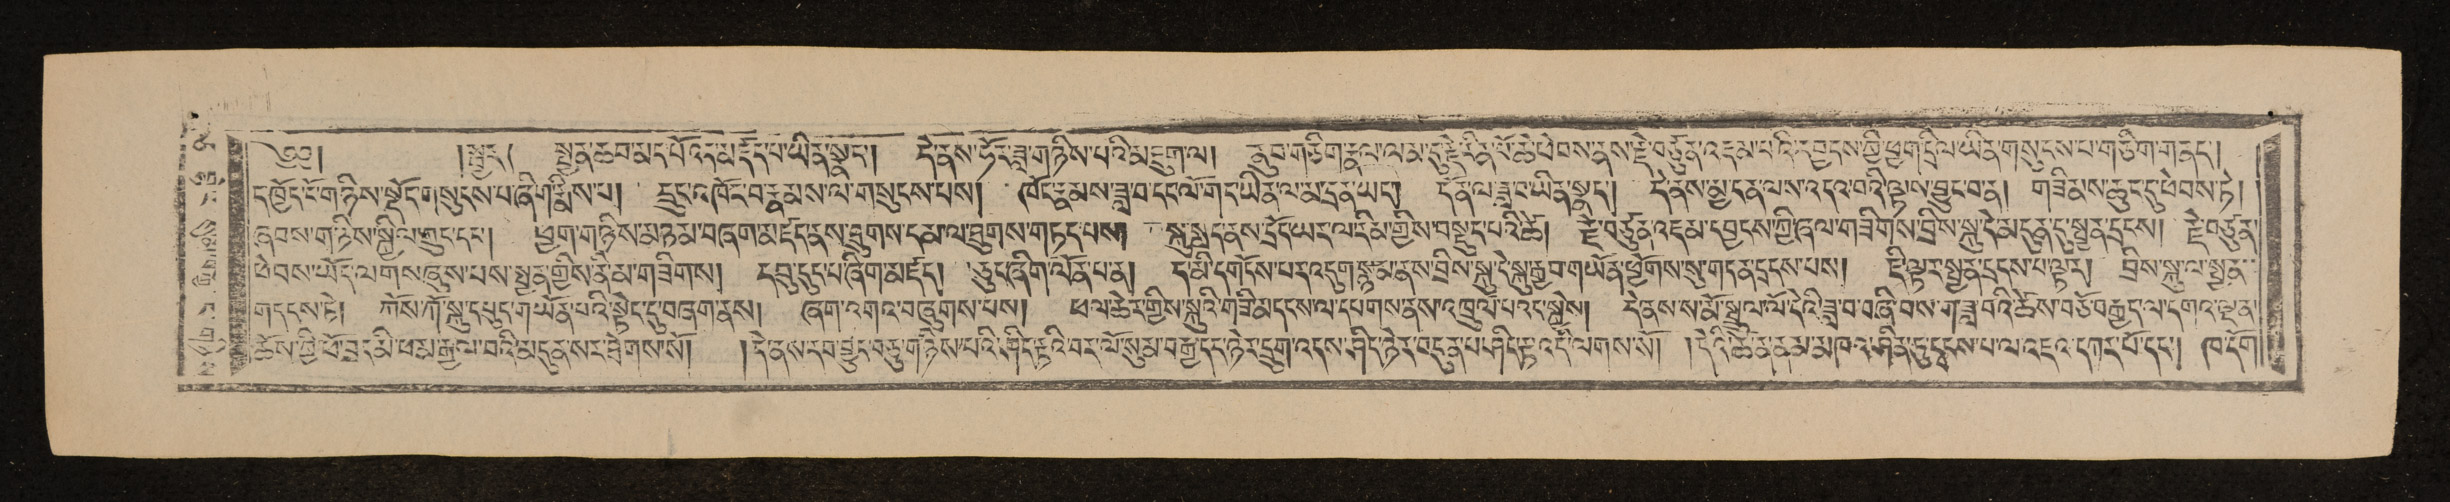༄༅། །སྦྱར༑ སྤྱན་ཆབ་མང་པོའང་མཛད་པ་ཡིན་སྣང་། དེ་ནས་ཧོར་ཟླ་གཉིས་པའི་མཇུག་ལ། ནུབ་གཅིག་རྣལ་ལམ་དུ་རྗེ་རིན་པོ་ཆེ་ཕེབས་ནས་རྗེ་བཙུན་འཇམ་པའི་དབྱངས་ཀྱི་ཕྱག་དྲིལ་ཡིན་གསུངས་པ་གཅིག་གནང་།
ད་ཁྱོད་ངོ་གཉིས་སྡོད་གསུངས་པ་ཞིག་རྨིས་པ། དྲུང་འཁོང་པ་རྣམས་ལ་གསུངས་པས། ཁོང་རྣམས་ཟླ་བ་དང་ལོ་གང་ཡིན་ལ་མ་དྲན་ཡང་། དོན་ལ་ཟླ་བ་ཡིན་སྣང་། དེ་ནས་མྱ་ངན་ལས་འདའ་བའི་ལྟས་བྱུང་བ་ན། གཟིམས་ཆུང་དུ་ཕེབས་ཏེ།
ཞབས་གཉིས་སྐྱིལ་ཀྲུང་དང་། ཕྱག་གཉིས་མཉམ་བཞག་མཛད་ནས་ཐུགས་དམ་ལ་ཐུགས་གཏད་པས། སྐུ་སྨད་ནས་དྲོད་ཡར་ལ་རིམ་གྱིས་བསྡུས་པའི་ཚེ། རྗེ་བཙུན་འཇམ་དབྱངས་ཀྱི་ཞལ་གཟིགས་བྲིས་སྐུ་དེ་མདུན་དུ་སྤྱན་དྲངས། རྗེ་བཙུན་
ཕེབས་ཡོད་ལགས་ཞུས་པས་སྤྱན་གྱིས་ནི་མ་གཟིགས། དབུ་དུད་པ་ཞིག་མཛད། ཅུང་ཞིག་ལོན་པ་ན། ད་མི་དགོངས་པར་འདུག་སྙམ་ནས་བྲིས་སྐུ་དེ་སྐུ་རྒྱབ་གཡོན་ཕྱོགས་སུ་གདན་དྲངས་པས། ཇི་ལྟར་སྤྱན་དྲངས་པ་ལྟར། བྲིས་སྐུ་ལ་སྤྱན་
གདངས་ཏེ། ཀོས་ཀོ་སྐུ་དཔུང་གཡོན་པའི་སྟེང་དུ་བཞག་ནས། ཞག་འགའ་བཞུགས་པས། ཕལ་ཆེར་གྱིས་སྐུའི་གཟི་མདངས་ལ་དཔགས་ནས་འཁྲུལ་བའང་སྐྱེས། དེ་ནས་ས་མོ་སྤྲུལ་ལོ་དེའི་ཟླ་བ་བཞི་པས་ག་ཟླ་བའི་ཚེས་བཅོ་བརྒྱད་ལ་དགའ་ལྡན་
ཆོས་ཀྱི་ཕོ་བྲང་མི་ཕ་མ་རྒྱལ་བའི་མདུན་སར་ཐེགས་སོ། །དེ་ནས་རབ་བྱུང་བཅུ་གཉིས་པའི་ཤིང་རྟའི་བར་ལོ་སུམ་བརྒྱ་དང་ཉེར་དྲུག་འདས་ཤིང་ཉེར་བདུན་པ་ཤིང་རྟ་འདི་ལགས་སོ། །དེའི་ཚེ་ན་ནམ་མཁའ་ཤིན་ཏུ་དྭངས་པ་ལ་འཇའ་དཀར་པོ་དང་། ཁ་དོག་